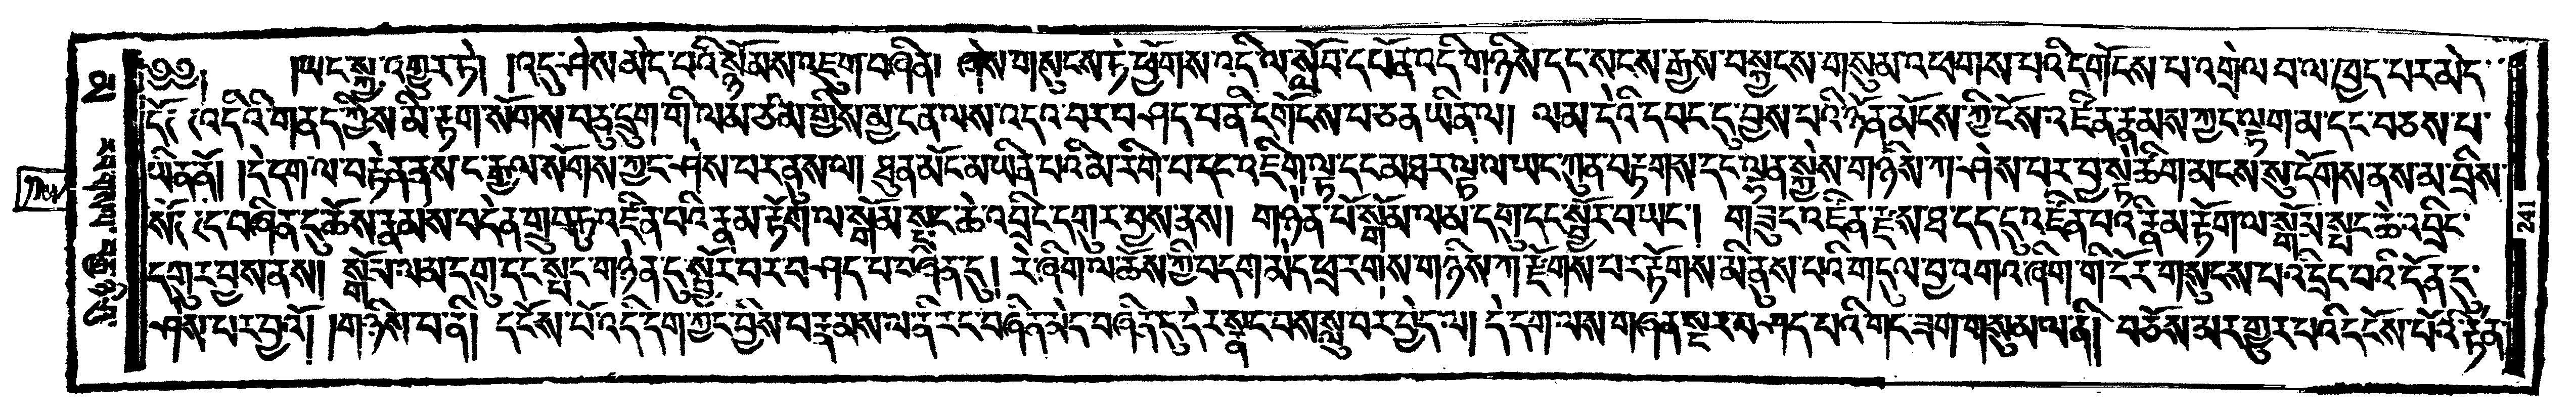༄༅། །ཡང་སྐྱེ་འགྱུར་ཏེ། །འདུ་ཤེས་མེད་པའི་སྙོམས་འཇུག་བཞིན། ཞེས་གསུངས་ཏེ་ཕྱོགས་འདི་ལ་སློབ་དཔོན་འདི་གཉིས་དང་སངས་རྒྱས་བསྐྱངས་གསུམ་འཕགས་པའི་དགོངས་པ་འགྲེལ་པ་ལ་ཁྱད་པར་མེད་
དོ་༑འདིའི་གནད་ཀྱིས་མི་རྟག་སོགས་བཅུ་དྲུག་གི་ལམ་ཙམ་གྱིས་མྱ་ངན་ལས་འདའ་བར་བཤད་པ་ནི་དགོངས་པ་ཅན་ཡིན་ལ། ལམ་དེའི་དབང་དུ་བྱས་པའི་ཉོན་མོངས་ཀྱི་ངོས་འཛིན་རྣམས་ཀྱང་ལྷག་མ་དང་བཅས་པ་
ཡིན་ནོ། །དེ་དག་ལ་བརྟེན་ནས་ང་རྒྱལ་སོགས་ཀྱང་ཤེས་པར་ནུས་ལ། ཐུན་མོང་མ་ཡིན་པའི་མ་རིག་པ་དང་འཇིག་ལྟ་དང་མཐར་ལྟ་ལ་ཡང་ཀུན་བརྟགས་དང་ལྷན་སྐྱེས་གཉིས་ཀ་ཤེས་པར་བྱ་སྟེ་ཚིག་མངས་སུ་དོགས་ནས་མ་བྲིས་
སོ༑ ༑དེ་བཞིན་དུ་ཆོས་རྣམས་བདེན་གྲུབ་ཏུ་འཛིན་པའི་རྣམ་རྟོག་ལ་སྒོམ་སྤང་ཆེ་འབྲིང་དགུར་བྱས་ནས། གཉེན་པོ་སྒོམ་ལམ་དགུ་དང་སྦྱོར་བ་ཡང་། གཟུང་འཛིན་རྫས་ཐ་དད་དུ་འཛིན་པའི་རྣམ་རྟོག་ལ་སྒོམ་སྤང་ཆེ་འབྲིང་
དགུར་བྱས་ནས། སྒོམ་ལམ་དགུ་དང་སྤང་གཉེན་དུ་སྦྱོར་བར་བཤད་པ་བཞིན་དུ། རེ་ཞིག་ལ་ཆོས་ཀྱི་བདག་མེད་ཕྲ་རགས་གཉིས་ཀ་རྫོགས་པར་རྟོགས་མི་ནུས་པའི་གདུལ་བྱ་འགའ་ཞིག་གི་ངོར་གསུངས་པའི་དྲང་བའི་དོན་དུ་
ཤེས་པར་བྱའོ། །གཉིས་པ་ནི། དངོས་པོ་འདི་དག་ཀྱང་བྱིས་པ་རྣམས་ལ་ནི་རང་བཞིན་མེད་བཞིན་དུ་དེར་སྣང་བས་སླུ་བར་བྱེད་ལ། དེ་དག་ལས་གཞན་སྔར་བཤད་པའི་གང་ཟག་གསུམ་ལ་ནི། བཅོས་མར་གྱུར་པའི་དངོས་པོའི་རྟེན་